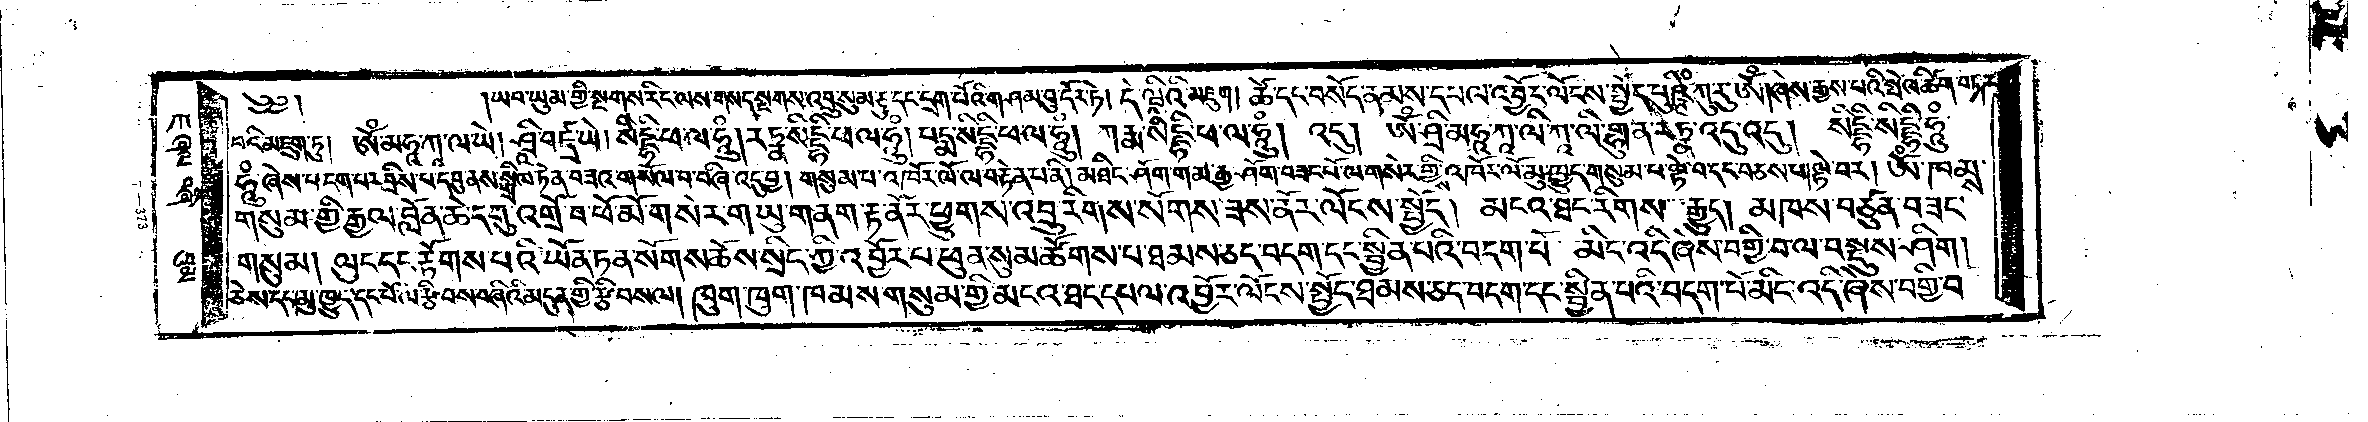༄༅། །ཡབ་ཡུམ་གྱི་སྔགས་རིང་ལས་བསད་སྔགས་འབྲུ་སུམ་ཅུ་དང་དྲག་པོའི་གཤམ་བུ་དོར་ཏེ།  དེ་ཝིའི་མཇུག། ཚེ་དང་བསོད་ནམས་དཔལ་འབྱོར་ལོངས་སྤྱོད་པུཥྚི་ཀུ་རུ་ཨོ། ཞེས་རྒྱས་པའི་སྤེལ་ཚེག་བཏཌ།
པའི་མཇུག་ཏུ། ཨོཾ་མཧཱ་ཀ་ལ་ཡེ། ཤྲཱི་བཛྲ་ཡེ། སིདྡྷི་ཕ་ལ་ཧཱུཾ། རཏྣ་སིདྡྷི་ཕལ་ཧཱུཾ། པདམ་སིདྡྷི་ཕ་ལ་ཧཱུཾ། ཀརྨ་སིདྡྷི་ཕ་ལ་ཧཱུཾ། འདུ། ཨོཾ་ཤྲི་མཧཱ་ཀཱ་ལི་ཀཱ་ལི་གྷུ་ན་རཏྣ་འདུ་འདུ། སིདྡྷི་སིདྡྷི་ཧཱུཾ་
ཧཱུཾ་ཞེས་པ་དག་པར་བྲིས་པ་དབུ་ནས་སྒྲིལ་ཏེ་ན་བཟའ་གསོལ་བ་བཞི་འདུ་བྱ། གསུམ་པ་འཁོར་ལོ་ལ་བརྟེན་པ་ནི། མཐིང་ཤོག་གམ་རྒྱ་ཤོག་བཟང་པོ་ལ་གསེར་གྱིས་འཁོར་ལོ་མུ་ཁྱུད་གསུམ་པ་ལྟེ་བ་དང་བཅས་པ། ལྟེ་བར། ཨོཾ་ཁམས་
གསུམ་གྱི་རྒྱལ་བློན་ཆེ་དགུ་འགྲོ་བ་ཕོ་མོ་གསེར་གཡུ་གནག་རྟ་ནོར་ཕྱུགས་འབྲུ་རིགས་སོགས་ཟས་ནོར་ལོངས་སྤྱོད། མཁའ་ཐང་རིགས་རྒྱུད་མཁས་བཙུན་བཟང་
གསུམ། ལུང་དང་རྟོགས་པའི་ཡོན་ཏན་སོགས་ཆོས་སྲིད་ཀྱི་འབྱོར་པ་ཕུན་སུམ་ཚོགས་པ་ཐམས་ཅད་བདག་དང་སྦྱིན་པའི་བདག་པོ་མིང་འདི་ཞེས་བགྱིབ་ལ་བསྡུས་ཤིག།
ཅེས་དང་མུ་ཁྱུད་དང་པོ་ལ་རྩིབས་བཞིའི་མདུན་གྱི་རྩིབས་ལ།  ཁུག་ཁུག་ཁམས་གསུམ་གྱི་མངའ་ཐང་དཔལ་འབྱོར་ལོངས་སྤྱོད་ཐམས་ཅད་བདག་དང་སྒྱིན་པའི་བདག་པོ་མིང་འདི་ཞེས་བགྱི་བ་